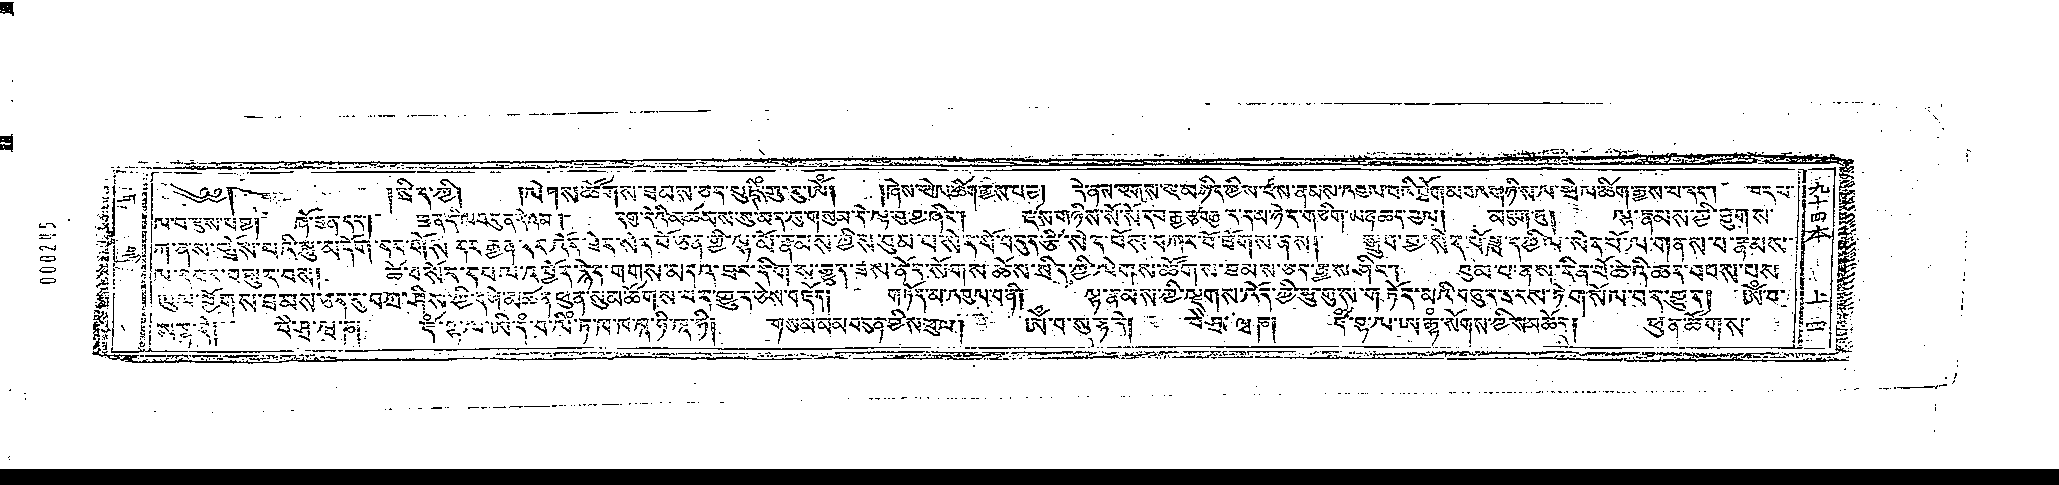༄༅། །སྲིད་ཀྱི། །ལེགས་ཚོགས་ཐམས་ཅད་བུཥྚིཾ་གུ་རུ་ཨོཾ། །ཞེས་སྤེལ་ཚིག་རྒྱས་པ་བྱ། དེ་ནས་སྔགས་སྔ་མ་ཉིད་ཀྱི་མཐར་རམས་གསུམ་བའི་ཐོག་མཐའ་གཉིས་ལ་སྤེལ་ཚིག་རྒྱས་པ་དང།། བར་པ་
ལ་བསྡུས་པ་བྱ། །ཞོ་ཟན་དང་། །ཟན་རིལ་བདུན་རེའམ། །དགུ་རེའི་མཚམས་སུ་མར་ཁུ་གསུམ་རེ་ལྟ་བུ་རྩི་ཞིང་། །རྫས་གཉིས་སོ་སོར་བརྒྱ་རྩ་བརྒྱད་དམ་ཉེར་གཅིག་ཡན་ཆད་ཕུལ། །མཇུག་ཏུ། ལྷ་རྣམས་ཀྱི་ཐུགས་
ཀ་ནས་སྤྲོས་པའི་སྐུ་མདོག་དང་གོས་དང་རྒྱན་དང་འོད་ཟེར་སེར་པོ་ཅན་གྱི་ལྷ་མོ་རྣམས་ཀྱིས་བུམ་པ་སེར་པོ་བདུད་རྩི་སེར་པོས་བཀང་བ་ཐོགས་ནས། སྒྲུབ་བྱ་སེར་པོ་ཟླ་དཀྱིལ་སེར་པོ་ལ་གནས་པ་རྣམས་
ལ་དབང་བསྐུར་བས། །ཚེ་བསོད་དཔལ་འབྱོར་རྙེད་གྲགས་མངའ་ཐང་རིགས་རྒྱུད་ཟས་ནོར་སོགས་ཆོས་སྲིད་ཀྱི་ལེགས་ཚོགས་ཐམས་ཅད་རྒྱས་ཤིང་། བུམ་པ་ནས་རིན་པོ་ཆེའི་ཆར་བབས་པས་
ཡུལ་ཕྱོགས་ཐམས་ཅད་དུ་བཀྲ་ཤིས་ཀྱི་དགེ་མཚན་ཕུན་སུམ་ཚོགས་པར་གྱུར་ཅེས་བརྗོད། གཏོར་མ་འབུལ་བ་ནི། །ལྷ་རྣམས་ཀྱི་ལྗགས་འོད་ཀྱི་སྦུ་གུས་གཏོར་མའི་བཅུད་དྲངས་ཏེ་གསོལ་བར་གྱུར། ཨོཾ་བ་
སུདྷ་རེ། །བཻ་ཤྲ་ཝ་ཎ། །ཛི་བྷ་ལ་ཨིདཾ་བ་ལིཾཏ་ཁ་ཁ་ཁཱ་ཧི་ཁཱ་ཧི། །གསུམ་མམ་བདུན་གྱིས་ཕུལ། །ཨོཾ་བ་སུདྷ་རེ། །བཻ་ཤྲ་ཝ་ཎ། །ཛཾ་བྷ་ལ་ཨརྒྷཾ་སོགས་ཀྱིས་མཆོད། །ཕུན་ཚོགས་